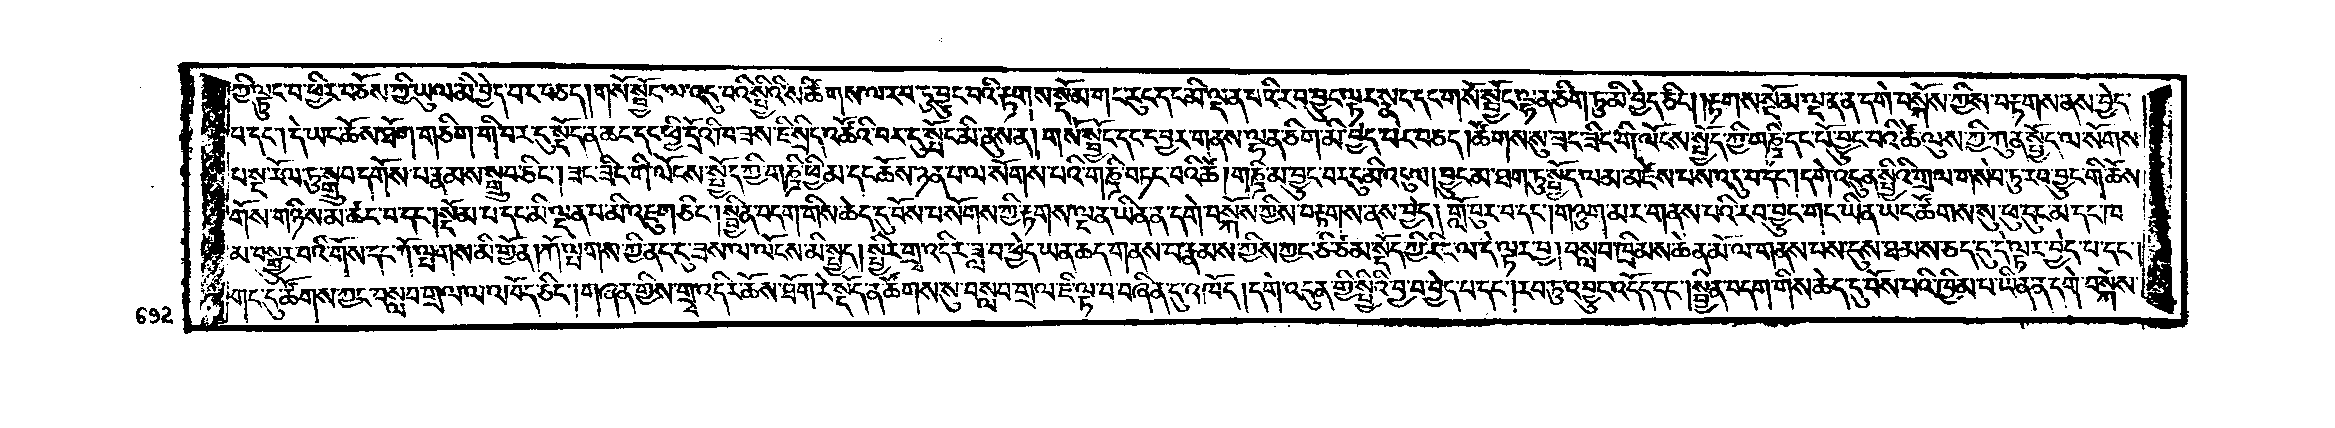ཀྱི་ལྟུང་བ་ཕྱིར་བཅོས་ཀྱི་ཡུལ་མི་བྱེད་པར་བཅད། གསོ་སྦྱོང་ལ་འདུ་བའི་སྤྱིའི་ས་ཚིགས་ལ་རབ་ཏུ་བྱུང་བའི་རྟགས་སྡོམ་གང་རུང་དང་མི་ལྡན་པའི་རབ་བྱུང་ལྟར་སྣང་དང་གསོ་སྦྱོང་ལྷན་ཅིག་ཏུ་མི་བྱེད་ཅིང་། །རྟགས་སྡོམ་ལྡན་ན་དགེ་བསྐོས་ཀྱིས་བརྟགས་ནས་བྱེད་
པ་དང་། དེ་ཡང་ཆོས་ཐོག་གཅིག་གི་བར་དུ་སྡོད་ན་ཆང་དང་ཕྱི་དྲོའི་ཁ་ཟས་ཇི་སྲིད་འཚོའི་བར་དུ་སྤོང་མི་ནུས་ན། གསོ་སྦྱོང་དང་དབྱར་གནས་ལྷན་ཅིག་མི་བྱེད་པར་བཅད། ཚོགས་སུ་ཟང་ཟིང་གི་ལོངས་སྤྱོད་ཀྱི་གཎྜི་དང་པོ་བྱུང་བའི་ཚེ་ལུས་ཀྱི་ཀུན་སྤྱོད་ལ་སོགས་
པ་སྔ་རོལ་ཏུ་སྒྲུབ་དགོས་པ་རྣམས་སྒྲུབ་ཅིང་། ཟང་ཟིང་གི་ལོངས་སྤྱོད་ཀྱི་གཎྜི་ཕྱི་མ་དང་ཆོས་ཉན་པ་ལ་སོགས་པའི་གཎྜི་བཏང་བའི་ཚེ། གཎྜི་མ་བྱུང་བར་དུ་མི་འདུལ། བྱུང་མ་ཐག་ཏུ་སྤྱོད་ལམ་མཛེས་པས་འདུ་བ་དང་། དགེ་འདུན་སྤྱིའི་གྲལ་གསེབ་ཏུ་རབ་བྱུང་གི་ཆོས་
གོས་གཉིས་མ་ཚང་བ་དང་། སྡོམ་པ་དང་མི་ལྡན་པ་མི་འཇུག་ཅིང་། སྦྱིན་བདག་གིས་ཆེད་དུ་བོས་པ་སོགས་ཀྱི་རྟགས་ལྡན་ཡིན་ན་དགེ་བསྐོས་ཀྱིས་བརྟགས་ནས་བྱེད། གློ་བུར་བ་དང་། གཉུག་མར་གནས་པའི་རབ་བྱུང་གང་ཡིན་ཡང་ཚོགས་སུ་ཕུ་དུང་མ་དང་ཁ་
མ་བསྒྱུར་བའི་གོས་དང་ཀོ་ལྤགས་མི་གྱོན། ཀོ་ལྤགས་ཀྱི་ནང་དུ་ཟས་ལ་ལོངས་མི་སྤྱད། སྤྱིར་གྲྭ་འདིར་ཟླ་བ་ཕྱེད་ཡན་ཆད་གནས་པ་རྣམས་ཀྱིས་ཀྱང་ཅི་ཙམ་སྡོད་ཀྱི་རིང་ལ་དེ་ལྟར་བྱ། བསླབ་ཁྲིམས་ཆེན་མོ་ལ་གནས་པས་དུས་ཐམས་ཅད་དུ་དེ་ལྟར་བྱེད་པ་དང་།
གང་དུ་ཚོགས་ཀྱང་བསླབ་གྲལ་ལ་འཁོད་ཅིང་། གཞན་གྱིས་གྲྭ་འདིར་ཆོས་ཐོག་རེ་སྡོད་ན་ཚོགས་སུ་བསླབ་གྲལ་ཇི་ལྟ་བ་བཞིན་དུ་འཁོད། དགེ་འདུན་གྱི་སྤྱིའི་བྱ་བ་བྱེད་པ་དང་། རབ་ཏུ་འབྱུང་འདོད་དང་། སྦྱིན་བདག་གིས་ཆེད་དུ་པོས་པའི་ཁྱིམ་པ་ཡིན་ན་དགེ་བསྐོས་